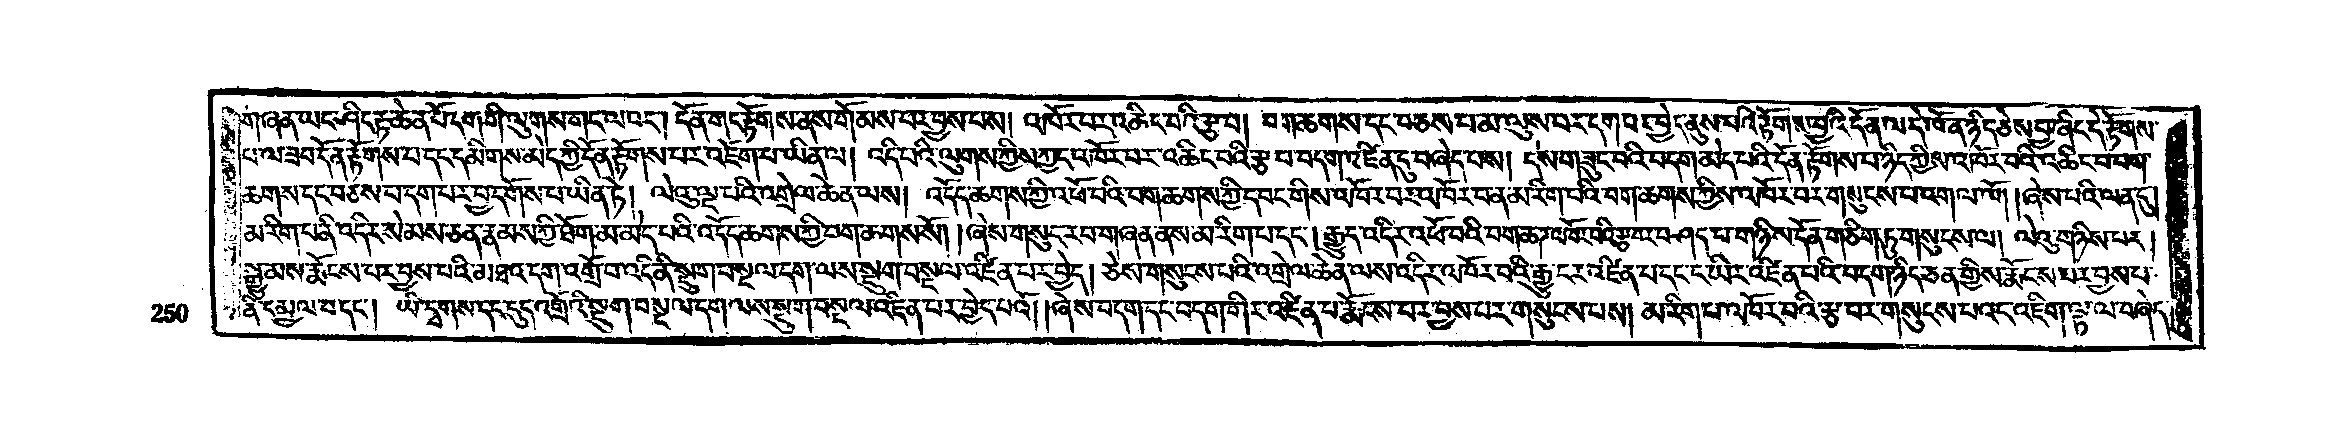གཞན་ཡང་ཤིང་རྟ་ཆེན་པོ་དག་གི་ལུགས་གང་ལའང་། དོན་གང་རྟོགས་ནས་གོམས་པར་བྱས་པས། འཁོར་བར་འཆིང་བའི་རྩ་བ། བག་ཆགས་དང་བཅས་པ་མ་ལུས་པར་དག་པར་བྱེད་ནུས་པའི་རྟོགས་བྱའི་དོན་ལ་དེ་ཁོ་ན་ཉིད་ཅེས་བྱ་ཞིང་དེ་རྟོགས་
པ་ལ་ཟབ་དོན་རྟོགས་པ་དང་དམིགས་མེད་ཀྱི་དོན་རྟོགས་པར་འཇོག་པ་ཡིན་ལ། འདི་པའི་ལུགས་ཀྱིས་ཀྱང་འཁོར་བར་འཆིང་བའི་རྩ་བ་བདག་འཛིན་དུ་བཞེད་པས། དེས་གཟུང་བའི་བདག་མེད་པའི་དོན་རྟོགས་པ་ཉིད་ཀྱིས་འཁོར་བའི་འཆིང་བ་བག་
ཆགས་དང་བཅས་པ་དག་པར་བྱ་དགོས་པ་ཡིན་ཏེ། ལེའུ་ལྔ་པའི་འགྲེལ་ཆེན་ལས། འདོད་ཆགས་ཀྱི་འཕོ་བའི་བག་ཆགས་ཀྱི་དབང་གིས་འཁོར་བར་འཁོར་བ་ན་མ་རིག་པའི་བག་ཆགས་ཀྱིས་འཁོར་བར་གསུངས་པ་འགལ་ལོ། །ཞེས་པའི་ལན་དུ།
མ་རིག་པ་ནི་འདིར་སེམས་ཅན་རྣམས་ཀྱི་ཐོག་མ་མེད་པའི་འདོད་ཆགས་ཀྱི་བག་ཆགས་སོ། །ཞེས་གསུང་རབ་གཞན་ནས་མ་རིག་པ་དང་། རྒྱུད་འདིར་འཕོ་བའི་བག་ཆགས་འཁོར་བའི་རྩ་བར་བཤད་པ་གཉིས་དོན་གཅིག་ཏུ་གསུངས་ལ། ལེའུ་གཉིས་པར།
སྒྱུ་མས་རྨོངས་པར་བྱས་པའི་མཐའ་དག་འགྲོ་བ་འདི་ནི་སྡུག་བསྔལ་དག་ལས་སྡུག་བསྔལ་འཛིན་པར་བྱེད། ཅེས་གསུངས་པའི་འགྲེལ་ཆེན་ལས་འདིར་འཁོར་བའི་རྒྱུ་ངར་འཛིན་པ་དང་ང་ཡིར་འཛིན་པའི་བདག་ཉིད་ཅན་གྱིས་རྨོངས་པར་བྱས་པ་
ནི་དམྱལ་བ་དང་། ཡི་དྭགས་དང་དུད་འགྲོའི་སྡུག་བསྔལ་དག་ལས་སྡུག་བསྔལ་འཛིན་པར་བྱེད་པའོ། །ཞེས་བདག་དང་བདག་གིར་འཛིན་པ་རྨོངས་པར་བྱས་པར་གསུངས་པས། མ་རིག་པ་འཁོར་བའི་རྩ་བར་གསུངས་པའང་འཇིག་ལྟ་ལ་བཞེད་